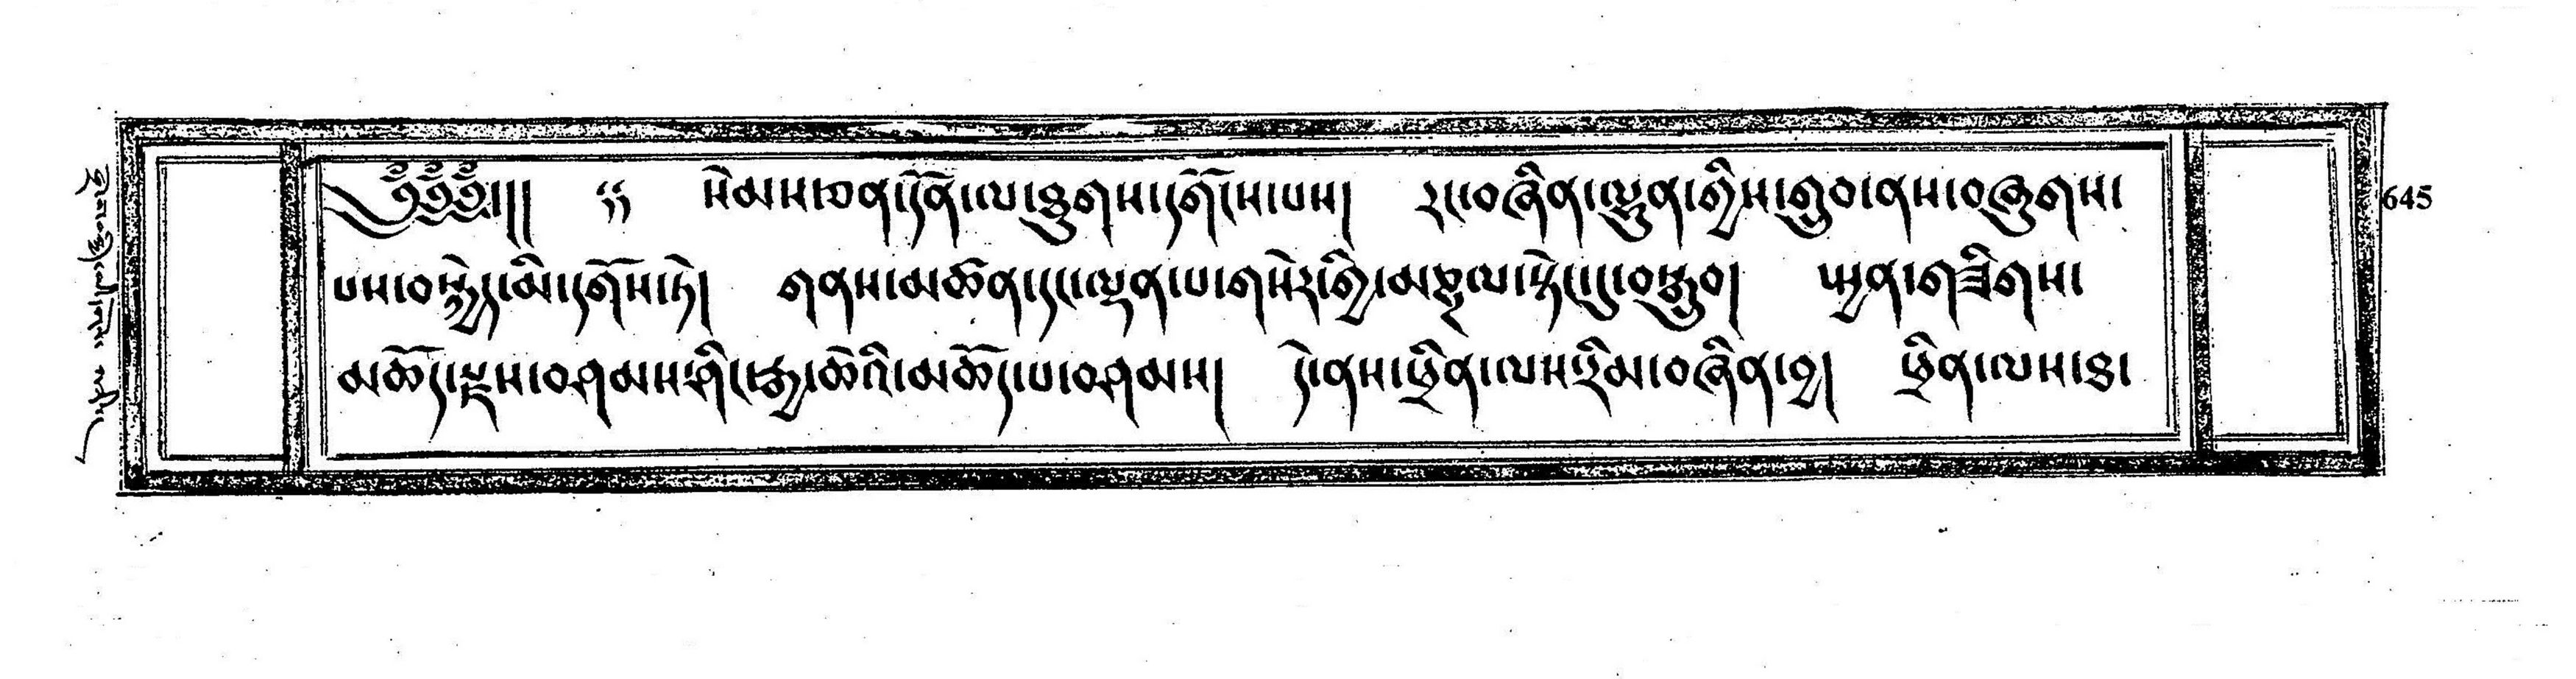སེམས་ཅན་དོན་ལ་ཐུགས་དགོངས་པས། རང་བཞིན་ལྷུན་གྱིས་གྲུབ་ནས་བཞུགས་
པས་བསྐྱེད་མི་དགོས་ཏེ། གནས་མཚན་དང་ལྡན་པ་གསེར་གྱི་མཎྜལ་སྟེང་དུ་བསྒྲུབ། སྤྱན་གཟིགས་
མཆོད་རྫས་བཤམས་ཤིང་རྒྱ་ཆེའི་མཆོད་པ་བཤམས། དེ་ནས་ཕྲིན་ལས་རིམ་བཞིན་བྱ། ཕྲིན་ལས་ཐ་